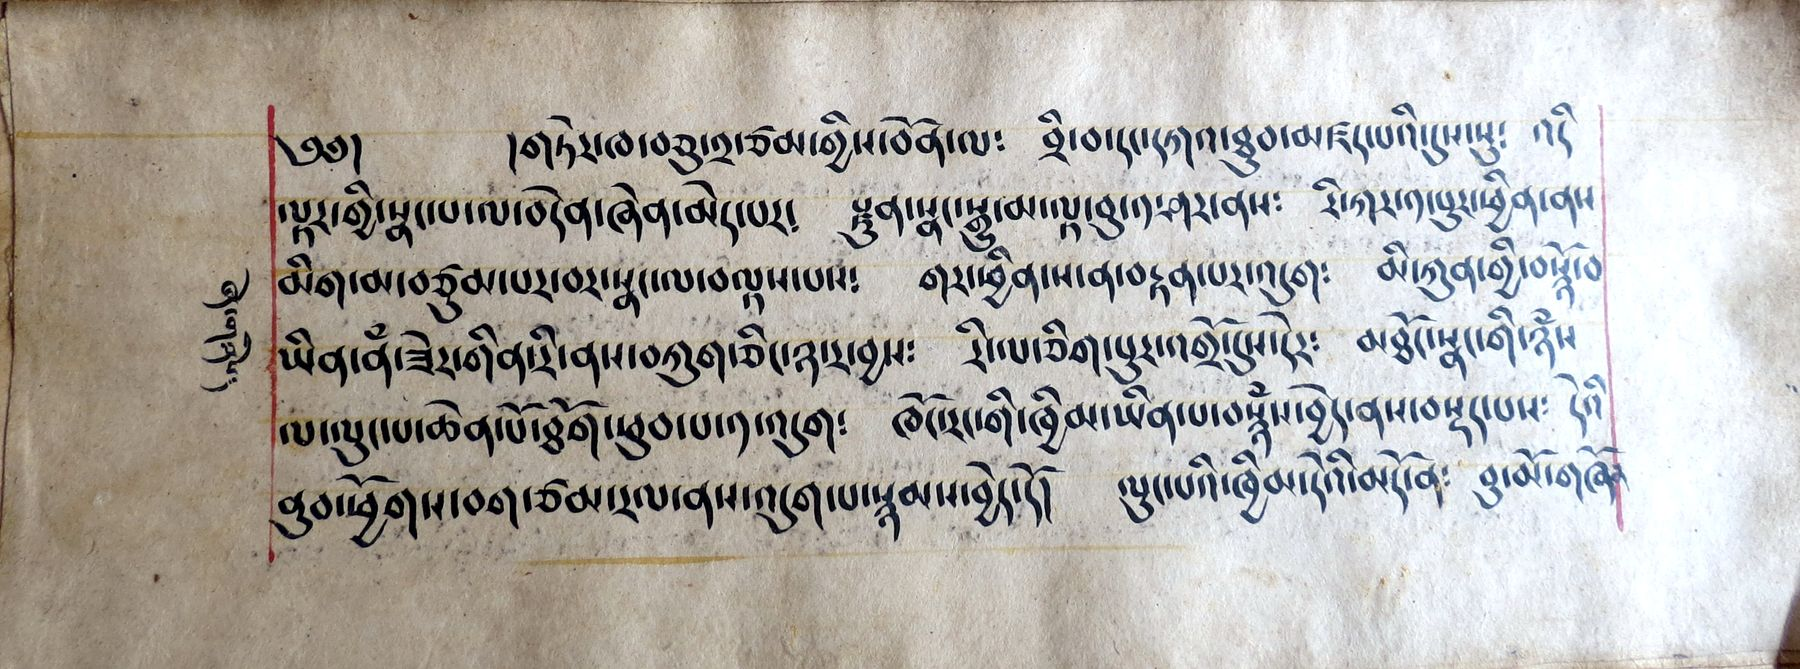བྲི་བ་དང་དཀའ་ཐུབ་མཛད་པའི་དུས་སུ། འདི་
ལྟར་གྱི་སྣང་བ་ལ་བདེན་ཞེན་མེད་པར། རྫུན་སྣང་སྒྱུ་མ་ལྟ་བུ་ཅིག་ཤར་ནས་རི་ཀར་གཅིག་པུར་ཕྱིན་ནས། 
མིག་མ་བཙུམ་པར་བར་སྣང་ལ་བལྟས་པས། གར་ཕྱིན་ས་ན་བརྟན་པར་འདུག མི་ཀུན་གྱིས་བསྙོ་བ་
ཡིན་ནམ་ཟེར་གིན་རི་ནས་བཀུག་ཅིང་ཉ་ར་བྱས། རི་ལ་གཅིག་པུར་འགྲོ་དུས་དེར། མཐོང་སྣང་གི་ཉམས་
ལ། ལུང་པ་ཆེན་པོ་ཐོག་ཕུབ་པ་ཅིག་འདུག ཁོང་རང་གི་ཁྱིམ་ཡིན་པ་སྙམ་བྱེད་ནས་བསྡད་པས། དེའི་
ནུབ་ཕྱོགས་བག་ཙམ་རལ་ནས་འདུག་པ་སྙམ་བྱེད་དོ། ལུང་པའི་ཁྱིིམ་དེའི་མདོ་ན། བུ་མོ་གཞོན་